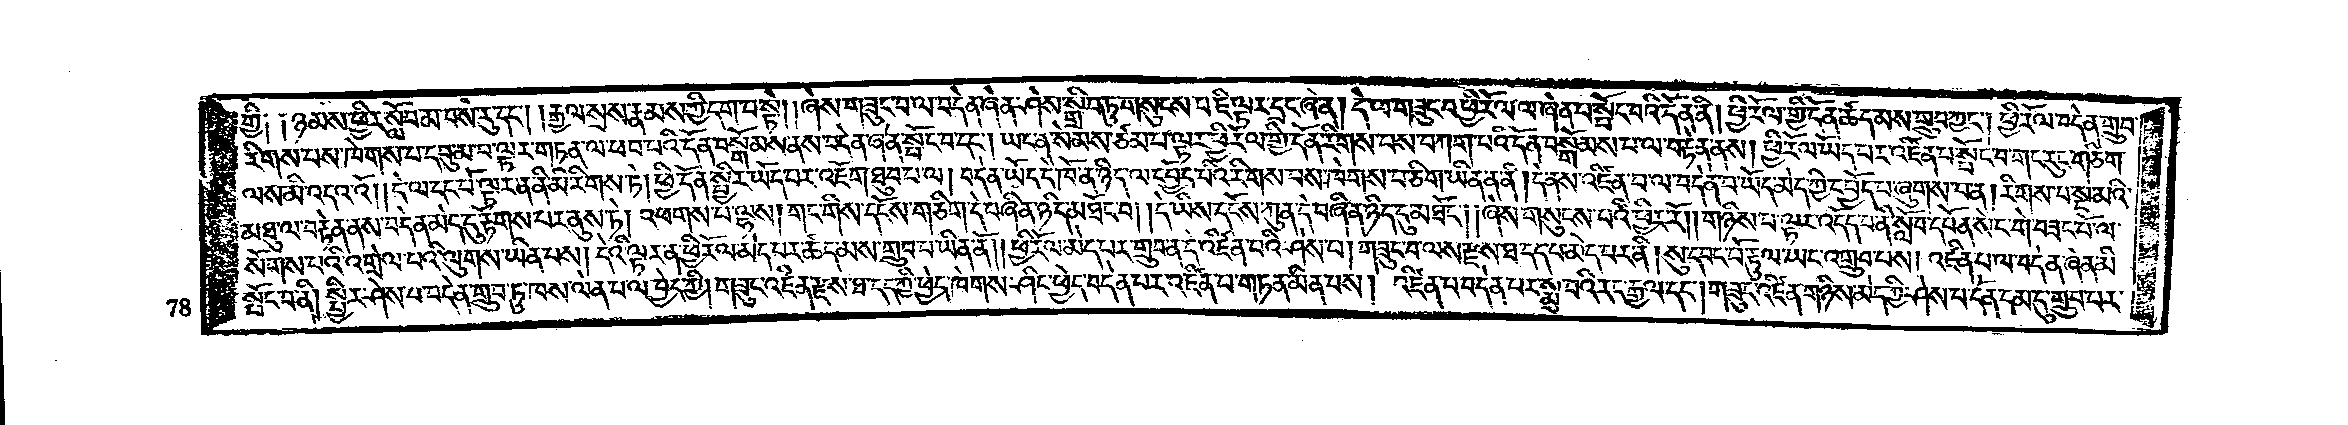གྱི། །ཉམས་ཕྱིར་སློབ་མ་བསེ་རུ་དང་། །རྒྱལ་སྲས་རྣམས་ཀྱི་དག་པ་སྟེ། །ཞེས་གཟུང་བ་ལ་བདེན་ཞེན་ཤེས་སྒྲིབ་ཏུ་གསུངས་པ་ཇི་ལྟར་དྲང་ཞེ་ན། དེ་ལ་གཟུང་བ་ཕྱི་རོལ་ལ་ཞེན་པ་སྤོང་བའི་དོན་ནི། ཕྱི་རོལ་གྱི་དོན་ཚད་མས་གྲུབ་ཀྱང་། ཕྱི་རོལ་བདེན་གྲུབ་
རིགས་པས་ཁེགས་པ་དབུ་མ་པ་ལྟར་གཏན་ལ་ཕབ་བའི་དོན་བསྒོམས་ནས་བདེན་ཞེན་སྤོང་བ་དང་། ཡང་ན་སེམས་ཙམ་པ་ལྟར་ཕྱི་རོལ་གྱི་དོན་རིགས་བས་བཀག་པའི་དོན་བསྒོམས་པ་ལ་བརྟེན་ནས། ཕྱི་རོལ་ཡོད་པར་འཛིན་པ་སྤོང་བ་གང་རུང་གཅིག་
ལས་མི་འདའ་འོ། །དེ་ལ་དང་པོ་ལྟར་ན་ནི་མི་རིགས་ཏེ། ཕྱི་དོན་སྤྱིར་ཡོད་པར་འཇོག་ཐུབ་པ་ལ། བདེན་ཡོད་དེ་ཁོ་ན་ཉིད་ལ་དཔྱོད་པའི་རིགས་བས་ཁེགས་པ་ཞིག་ཡིན་ན་ནི། དེ་ནས་འཛིན་པ་ལ་བདེན་པ་ཡོད་མེད་ཀྱི་དཔྱོད་པ་ཞུགས་པ་ན། རིགས་པ་སྔ་མའི་
མཐུ་ལ་བརྟེན་ནས་བདེན་མེད་དུ་རྟོགས་པར་ནུས་ཏེ། འཕགས་པ་ལྷས། གང་གིས་དངོས་གཅིག་དེ་བཞིན་ཉིད་མཐོང་བ། །དེ་ཡིས་དངོས་ཀུན་དེ་བཞིན་ཉིད་དུ་མཐོང་། །ཞེས་གསུངས་པའི་ཕྱིར་རོ། །གཉིས་པ་ལྟར་འདོད་པ་ནི་སློབ་དཔོན་སེང་གེ་བཟང་པོ་ལ་
སོགས་པའི་འགྲེལ་པའི་ལུགས་ཡིན་པས། དེའི་ལྟར་ན་ཕྱི་རོལ་མེད་པར་ཚད་མས་གྲུབ་པ་ཡིན་ནོ། །ཕྱི་རོལ་མེད་པར་གྲུབ་ན་དེ་འཛིན་པའི་ཤེས་པ། གཟུང་བ་ལས་རྫས་ཐ་དད་པ་མེད་པར་ནི། སུ་དབང་པོ་རྟུལ་ཡང་འགྲུབ་པས། འཛིན་པ་ལ་བདེན་ཞེན་མི་
སྤོང་བ་ནི། སྤྱིར་ཤེས་པ་བདེན་གྲུབ་ཏུ་ཁས་ལེན་པ་ལ་བྱེད་ཀྱི། གཟུང་འཛིན་རྫས་ཐ་དད་ཀྱི་ཕྱེད་ཁེགས་ཤིང་ཕྱེད་བདེན་པར་འཛིན་པ་གཏན་མིན་པས། འཛིན་པ་བདེན་པར་སྨྲ་བའི་རང་རྒྱལ་དང་། གཟུང་འཛིན་གཉིས་མེད་ཀྱི་ཤེས་པ་དོན་དམ་དུ་གྲུབ་པར་